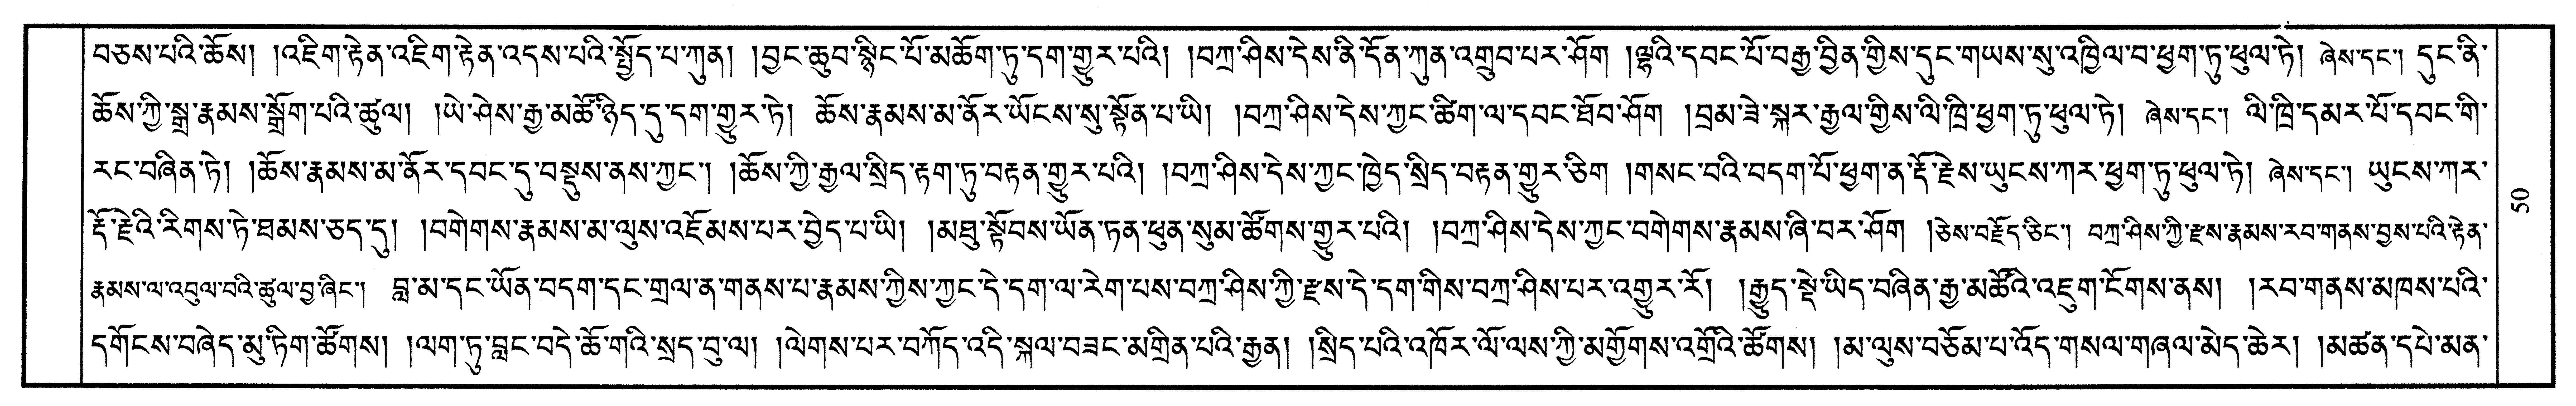བཅས་པའི་ཆོས། །འཇིག་རྟེན་འཇིག་རྟེན་འདས་པའི་སྤྱོད་པ་ཀུན། །བྱང་ཆུབ་སྙིང་པོ་མཆོག་ཏུ་དག་གྱུར་པའི། །བཀྲ་ཤིས་དེས་ནི་དོན་ཀུན་འགྲུབ་པར་ཤོག །ལྷའི་དབང་པོ་བརྒྱ་བྱིན་གྱིས་དུང་གཡས་སུ་འཁྱིལ་བ་ཕྱག་ཏུ་ཕུལ་ཏེ། ཞེས་དང་། དུང་ནི་
ཆོས་ཀྱི་སྒྲ་རྣམས་སྒྲོག་པའི་ཚུལ། །ཡེ་ཤེས་རྒྱ་མཚོ་ཉིད་དུ་དག་གྱུར་ཏེ། ཆོས་རྣམས་མ་ནོར་ཡོངས་སུ་སྟོན་པ་ཡི། །བཀྲ་ཤིས་དེས་ཀྱང་ཚིག་ལ་དབང་ཐོབ་ཤོག །བྲམ་ཟེ་སྐར་རྒྱལ་གྱིས་ལི་ཁྲི་ཕྱག་ཏུ་ཕུལ་ཏེ། ཞེས་དང་། ལི་ཁྲི་དམར་པོ་དབང་གི་
རང་བཞིན་ཏེ། །ཆོས་རྣམས་མ་ནོར་དབང་དུ་བསྡུས་ནས་ཀྱང་། །ཆོས་ཀྱི་རྒྱལ་སྲིད་རྟག་ཏུ་བརྟན་གྱུར་པའི། །བཀྲ་ཤིས་དེས་ཀྱང་ཁྱེད་སྲིད་བརྟན་གྱུར་ཅིག །གསང་བའི་བདག་པོ་ཕྱག་ན་རྡོ་རྗེས་ཡུངས་ཀར་ཕྱག་ཏུ་ཕུལ་ཏེ། ཞེས་དང་། ཡུངས་ཀར་
རྡོ་རྗེའི་རིགས་ཏེ་ཐམས་ཅད་དུ། །བགེགས་རྣམས་མ་ལུས་འཇོམས་པར་བྱེད་པ་ཡི། །མཐུ་སྟོབས་ཡོན་ཏན་ཕུན་སུམ་ཚོགས་གྱུར་པའི། །བཀྲ་ཤིས་དེས་ཀྱང་བགེགས་རྣམས་ཞི་བར་ཤོག །ཅེས་བརྗོད་ཅིང་། བཀྲ་ཤིས་ཀྱི་རྫས་རྣམས་རབ་གནས་བྱས་པའི་རྟེན་
རྣམས་ལ་འབུལ་བའི་ཚུལ་བྱ་ཞིང་། བླ་མ་དང་ཡོན་བདག་དང་གྲལ་ན་གནས་པ་རྣམས་ཀྱིས་ཀྱང་དེ་དག་ལ་རེག་པས་བཀྲ་ཤིས་ཀྱི་རྫས་དེ་དག་གིས་བཀྲ་ཤིས་པར་འགྱུར་རོ། །རྒྱུད་སྡེ་ཡིད་བཞིན་རྒྱ་མཚོའི་འཇུག་ངོགས་ནས། །རབ་གནས་མཁས་པའི་
དགོངས་བཞེད་མུ་ཏིག་ཚོགས། །ལག་ཏུ་བླང་བདེ་ཆོ་གའི་སྲད་བུ་ལ། །ལེགས་པར་བཀོད་འདི་སྐལ་བཟང་མགྲིན་པའི་རྒྱན། །སྲིད་པའི་འཁོར་ལོ་ལས་ཀྱི་མགྱོགས་འགྲོའི་ཚོགས། །མ་ལུས་བཅོམ་པ་འོད་གསལ་གཞལ་མེད་ཆེར། །མཚན་དཔེ་མན་